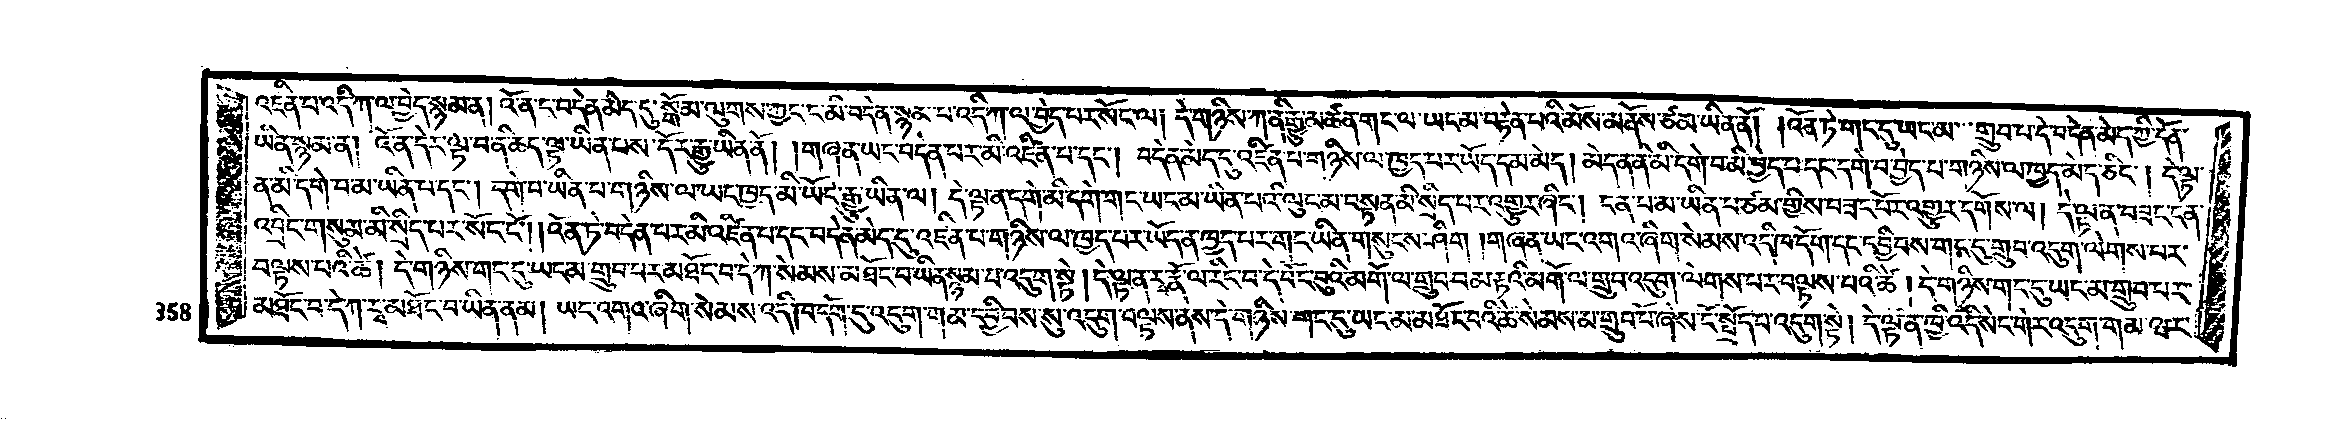འཛིན་པ་འདི་ཀ་ལ་བྱེད་སྙམ་ན། འོ་ན་ང་བདེན་མེད་དུ་སྒོམ་ལུགས་ཀྱང་ང་མི་བདེན་སྙམ་པ་འདི་ཀ་ལ་བྱེད་པར་སོང་ལ། དེ་གཉིས་ཀ་ནི་རྒྱུ་མཚན་གང་ལ་ཡང་མ་བརྟེན་པའི་མོས་མནོས་ཙམ་ཡིན་ནོ། །འོན་ཏེ་གང་དུ་ཡང་མ་གྲུབ་པ་དེ་བདེན་མེད་ཀྱི་དོན་
ཡིན་སྙམ་ན། འོ་ན་དེར་ལྟ་བ་ནི་ཆད་ལྟ་ཡིན་པས་དོར་རྒྱུ་ཡིན་ནོ། །གཞན་ཡང་བདེན་པར་མི་འཛིན་པ་དང་། བདེན་མེད་དུ་འཛིན་པ་གཉིས་ལ་ཁྱད་པར་ཡོད་དམ་མེད། མེད་ན་ནི་མི་དགེ་བ་མི་བྱེད་པ་དང་དགེ་བ་བྱེད་པ་གཉིས་ལ་ཁྱད་མེད་ཅིང་། དེ་ལྟ་
ན་མི་དགེ་བ་མ་ཡིན་པ་དང་། དགེ་བ་ཡིན་པ་གཉིས་ལ་ཡང་ཁྱད་མི་ཡོང་རྒྱུ་ཡིན་ལ། དེ་ལྟ་ན་དགེ་མི་དགེ་གང་ཡང་མ་ཡིན་པའི་ལུང་མ་བསྟན་མི་སྲིད་པར་འགྱུར་ཞིང་། ངན་པ་མ་ཡིན་པ་ཙམ་གྱིས་བཟང་པོར་འགྱུར་དགོས་ལ། དེ་ལྟ་ན་བཟང་ངན་
འབྲིང་གསུམ་མི་སྲིད་པར་སོང་ངོ། །འོན་ཏེ་བདེན་པར་མི་འཛིན་པ་དང་བདེན་མེད་དུ་འཛིན་པ་གཉིས་ལ་ཁྱད་པར་ཡོད་ན་ཁྱད་པར་གང་ཡིན་གསུངས་ཤིག །གཞན་ཡང་འགའ་ཞིག་སེམས་འདི་ཁ་དོག་དང་དབྱིབས་གང་དུ་གྲུབ་འདུག་ལེགས་པར་
བལྟས་པའི་ཚེ། དེ་གཉིས་གང་དུ་ཡང་མ་གྲུབ་པར་མཐོང་བ་དེ་ཀ་སེམས་མཐོང་བ་ཡིན་སྙམ་པ་འདུག་སྟེ། དེ་ལྟ་ན་རྭ་རྣོ་ལ་རིང་བ་དེ་བོང་བུའི་མགོ་ལ་གྲུབ་བམ་རྟའི་མགོ་ལ་གྲུབ་འདུག་ལེགས་པར་བལྟས་པའི་ཚེ། དེ་གཉིས་གང་དུ་ཡང་མ་གྲུབ་པར་
མཐོང་བ་དེ་ཀ་རྭ་མཐོང་བ་ཡིན་ནམ། ཡང་འགའ་ཞིག་སེམས་འདི་ཁ་དོག་དུ་འདུག་གམ་དབྱིབས་སུ་འདུག་བལྟས་ནས་དེ་གཉིས་གང་དུ་ཡང་མ་མཐོང་བའི་ཚེ་སེམས་མ་གྲུབ་པོ་ཞེས་ངོ་སྤྲོད་པ་འདུག་སྟེ། དེ་ལྟ་ན་ཁྱི་འདི་སེང་གེར་འདུག་གམ་ཝར་